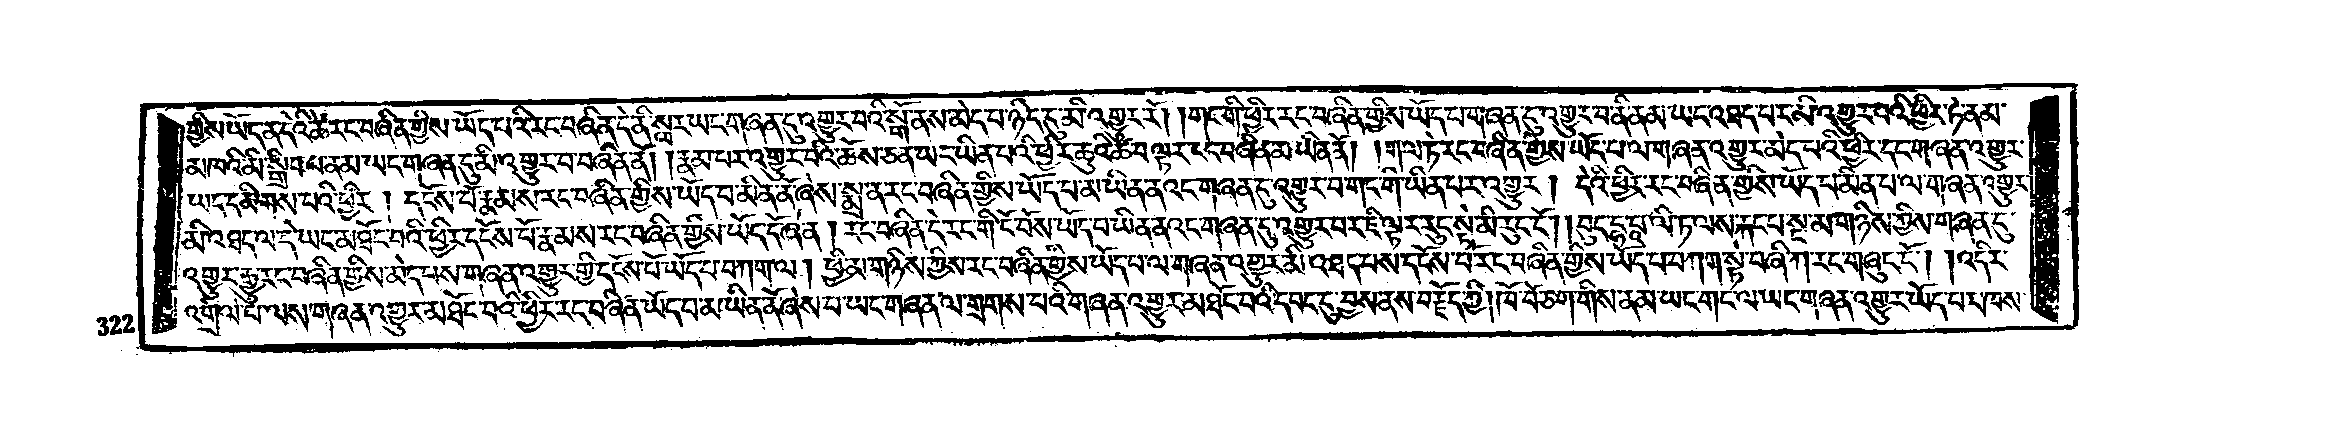གྱིས་ཡོད་ན་དེའི་ཚེ་རང་བཞིན་གྱིས་ཡོད་པའི་རང་བཞིན་དེ་ནི་སླར་ཡང་གཞན་དུ་འགྱུར་བའི་སྒོ་ནས་མེད་པ་ཉིད་དུ་མི་འགྱུར་རོ། །གང་གི་ཕྱིར་རང་བཞིན་གྱིས་ཡོད་པ་གཞན་དུ་འགྱུར་བ་ནི་ནམ་ཡང་འཐད་པར་མི་འགྱུར་བའི་ཕྱིར་ཏེ་ནམ་
མཁའ་མི་སྒྲིབ་པ་ནམ་ཡང་གཞན་དུ་མི་འགྱུར་བ་བཞིན་ནོ། །རྣམ་པར་འགྱུར་བའི་ཆོས་ཅན་ཡང་ཡིན་པའི་ཕྱིར་ཆུའི་ཚེ་བ་ལྟར་རང་བཞིན་མ་ཡིན་ནོ། །གལ་ཏེ་རང་བཞིན་གྱིས་ཡོད་པ་ལ་གཞན་འགྱུར་མེད་པའི་ཕྱིར་དང་གཞན་འགྱུར་
ཡང་དམིགས་པའི་ཕྱིར། དངོས་པོ་རྣམས་རང་བཞིན་གྱིས་ཡོད་པ་མིན་ནོ་ཞེས་སྨྲ་ན་རང་བཞིན་གྱིས་ཡོད་པ་མ་ཡིན་ནའང་གཞན་དུ་འགྱུར་བ་གང་གི་ཡིན་པར་འགྱུར། དེའི་ཕྱིར་རང་བཞིན་གྱིས་ཡོད་པ་མིན་པ་ལ་གཞན་འགྱུར་
མི་འཐད་ལ་ད་ཡང་མཐོང་བའི་ཕྱིར་དངོས་པོ་རྣམས་རང་བཞིན་གྱིས་ཡོད་དོ་ཞེ་ན། རང་བཞིན་དེ་རང་གི་ངོ་བོས་ཡོད་པ་ཡིན་ནའང་གཞན་དུ་འགྱུར་བར་ཇི་ལྟར་རུང་སྟེ་མི་རུང་ངོ། །བུད་དྷ་པཱ་ལི་ཏ་ལས་རྐང་པ་སྔ་མ་གཉིས་ཀྱིས་གཞན་དུ་
འགྱུར་རྒྱུ་རང་བཞིན་གྱིས་མེད་པས་གཞན་འགྱུར་གྱི་དངོས་པོ་ཡོད་པ་བཀག་ལ། ཕྱི་མ་གཉིས་ཀྱིས་རང་བཞིན་གྱིས་ཡོད་པ་ལ་གཞན་འགྱུར་མི་འཐད་པས་དངོས་པོ་རང་བཞིན་གྱིས་ཡོད་པ་བཀག་སྟེ་བཞི་ཀ་རང་གཞུང་ངོ། །འདིར་
འགྲེལ་པ་ལས་གཞན་འགྱུར་མཐོང་བའི་ཕྱིར་རང་བཞིན་ཡོད་པ་མ་ཡིན་ནོ་ཞེས་པ་ཡང་གཞན་ལ་གྲགས་པའི་གཞན་འགྱུར་མཐོང་བའི་དབང་དུ་བྱས་ནས་བརྗོད་ཀྱི། ཁོ་བོ་ཅག་གིས་ནམ་ཡང་གང་ལ་ཡང་གཞན་འགྱུར་ཡོད་པར་ཁས་